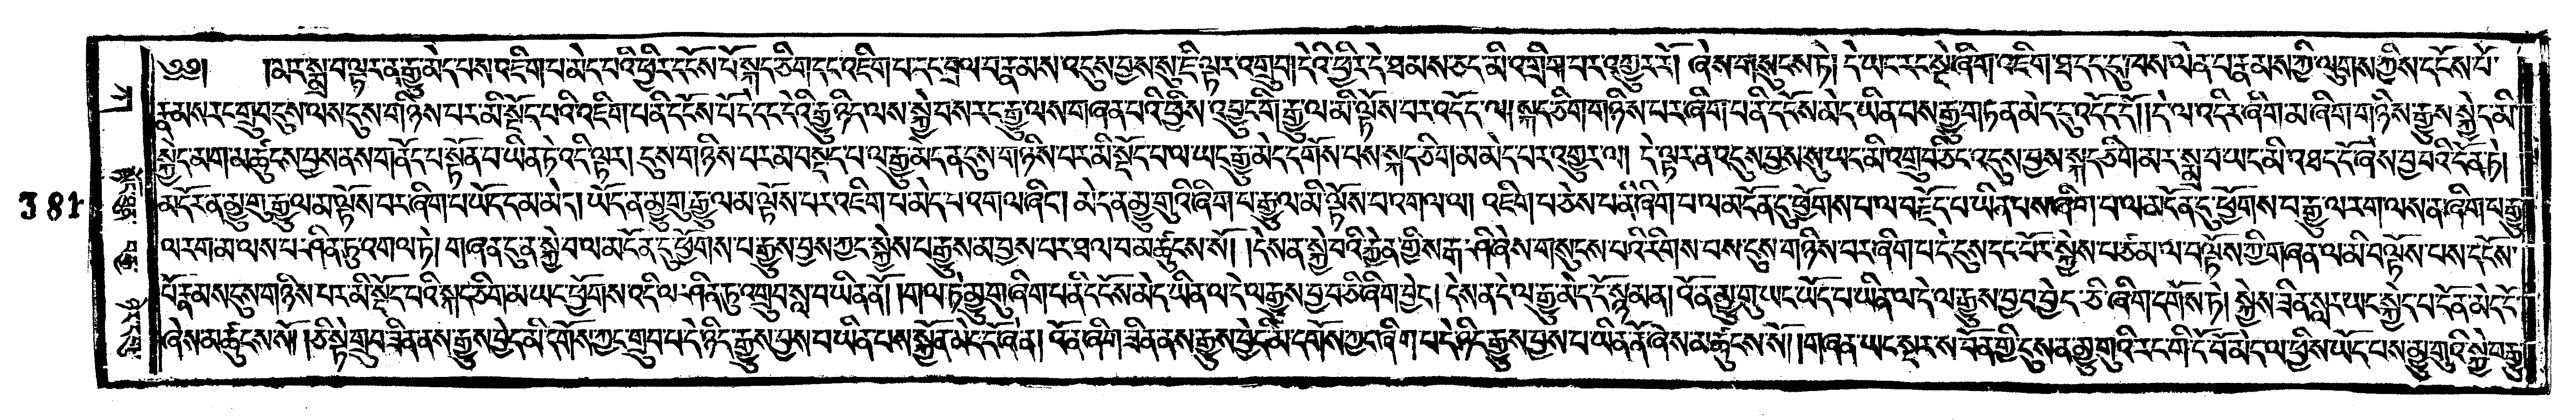༄༅། །མར་སྨྲ་བ་ལྟར་ན་རྒྱུ་མེད་པས་འཇིག་པ་མེད་པའི་ཕྱིར་དངོས་པོ་སྐད་ཅིག་དང་འཇིག་པ་དང་བྲལ་བ་རྣམས་འདུས་བྱས་སུ་ཇི་ལྟར་འགྲུབ། དེའི་ཕྱིར་དེ་ཐམས་ཅད་མི་འགྲིག་པར་འགྱུར་རོ། ཞེས་གསུངས་ཏེ། དེ་ཡང་རང་སྡེ་ཞིག་འཇིག་ཐ་དད་དུ་ཁས་ལེན་པ་རྣམས་ཀྱི་ལུགས་ཀྱིས་དངོས་པོ་
རྣམས་རང་གྲུབ་དུས་ལས་དུས་གཉིས་པར་མི་སྡོད་པའི་འཇིག་པ་ནི་དངོས་པོ་དེ་དང་དེའི་རྒྱུ་ཉིད་ལས་སྐྱེ་བས་རང་རྒྱུ་ལས་གཞན་པའི་ཕྱིས་འབྱུང་གི་རྒྱུ་ལ་མི་ལྟོས་བར་འདོད་ལ། སྐད་ཅིག་གཉིས་པར་ཞིག་པ་ནི་དངོས་མེད་ཡིན་པས་རྒྱུ་གཏན་མེད་དུ་འདོད་དོ། །དེ་ལ་འདིར་ཞིག་མ་ཞིག་གཉིས་རྒྱུས་སྐྱེད་མི་
སྐྱེད་མག་མཚུངས་བྱས་ནས་གནོད་པ་སྟོན་པ་ཡིན་ཏེ་འདི་ལྟར། དུས་གཉིས་པར་མ་བསྡད་པ་ལ་རྒྱུ་མེད་ན་དུས་གཉིས་པར་མི་སྡོད་པ་ལ་ཡང་རྒྱུ་མེད་དགོས་པས་སྐད་ཅིག་མ་མེད་པར་འགྱུར་ལ། དེ་ལྟར་ན་འདུས་བྱས་སུ་ཡང་མི་འགྲུབ་ཅིང་འདུས་བྱས་སྐད་ཅིག་མར་སྨྲ་བ་ཡང་མི་འཐད་དོ་ཞེས་བྱ་བའི་དོན་ཏེ།
མདོར་ན་མྱུ་གུ་རྒྱུ་ལ་མ་ལྟོས་པར་ཞིག་པ་ཡོད་དམ་མེད། ཡོད་ན་མྱུ་གུ་རྒྱུ་ལ་མ་ལྟོས་པར་འཇིག་པ་མེད་པ་འགལ་ཞིང་། མེད་ན་མྱུ་གུའི་ཞིག་པ་རྒྱུ་ལ་མི་ལྟོས་པ་འགལ་ལ། འཇིག་པ་ཅེས་པ་ནི་ཞིག་པ་ལ་མངོན་དུ་ཕྱོགས་པ་ལ་བརྗོད་པ་ཡིན་པས་ཞིག་པ་ལ་མངོན་དུ་ཕྱོགས་པ་རྒྱུ་ལ་རག་ལས་ན་ཞིག་པ་རྒྱུ་
ལ་རག་མ་ལས་པ་ཤིན་ཏུ་འགལ་ཏེ། གཞན་དུ་ན་སྐྱེ་བ་ལ་མངོན་དུ་ཕྱོགས་པ་རྒྱུས་བྱས་ཀྱང་སྐྱེས་པ་རྒྱུས་མ་བྱས་པར་ཐལ་བ་མཚུངས་སོ། །དེས་ན་སྐྱེ་བའི་རྐྱེན་གྱིས་རྒ་ཤི་ཞེས་གསུངས་པའི་རིགས་པས་དུས་གཉིས་པར་ཞིག་པ་དེ་དུས་དང་པོར་སྐྱེས་པ་ཙམ་ལ་བལྟོས་ཀྱི་གཞན་ལ་མི་བལྟོས་པས་དངོས་
པོ་རྣམས་དུས་གཉིས་པར་མི་སྡོད་པའི་སྐད་ཅིག་མ་ཡང་ཕྱོགས་འདི་ལ་ཤིན་ཏུ་འགྲུབ་སླ་བ་ཡིན་ནོ། །གལ་ཏེ་མྱུ་གུ་ཞིག་པ་ནི་དངོས་མེད་ཡིན་ལ་དེ་ལ་རྒྱུས་བྱ་བ་ཅི་ཞིག་བྱེད། དེས་ན་དེ་ལ་རྒྱུ་མེད་དོ་སྙམ་ན། འོ་ན་མྱུ་གུ་ཡང་ཡོད་པ་ཡིན་ལ་དེ་ལ་རྒྱུས་བྱ་བ་བྱེད་ཅི་ཞིག་དགོས་ཏེ། སྐྱེས་ཟིན་སླར་ཡང་སྐྱེད་པ་དོན་མེད་དོ་
ཞེས་མཚུངས་སོ། །ཅི་སྟེ་གྲུབ་ཟིན་ནས་རྒྱུས་བྱེད་མི་དགོས་ཀྱང་གྲུབ་པ་དེ་ཉིད་རྒྱུས་བྱས་པ་ཡིན་པས་སྐྱོན་མེད་དོ་ཞེ་ན། འོ་ན་ཞིག་ཟིན་ནས་རྒྱུས་བྱེད་མི་དགོས་ཀྱང་ཞིག་པ་དེ་ཉིད་རྒྱུས་བྱས་པ་ཡིན་ནོ་ཞེས་མཚུངས་སོ། །གཞན་ཡང་སྔར་ས་བོན་གྱི་དུས་ན་མྱུ་གུའི་རང་གི་ངོ་བོ་མེད་ལ་ཕྱིས་ཡོད་པས་མྱུ་གུའི་སྐྱེ་བ་རྒྱུ་